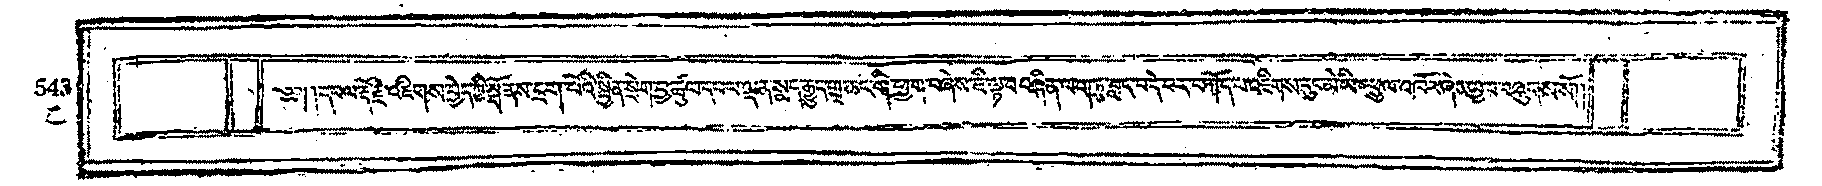དཔལ་རྡོ་རྗེ་འཇིགས་བྱེད་ཀྱི་སྒོ་ནས་དྲག་པོའི་སྦྱིན་སྲེག་བྱ་ཚུལ་དཔལ་ལྡན་སྨད་རྒྱུད་གྲྭ་ཚང་གི་ཕྱག་བཞེས་ཇི་ལྟ་བ་བཞིན་ལག་ཏུ་བླང་བདེ་བར་བཀོད་པ་འཇིགས་རུང་མེ་ཡི་འཕྲུལ་འཁོར་ཞེས་བྱ་བ་བཞུགས་སོ།།